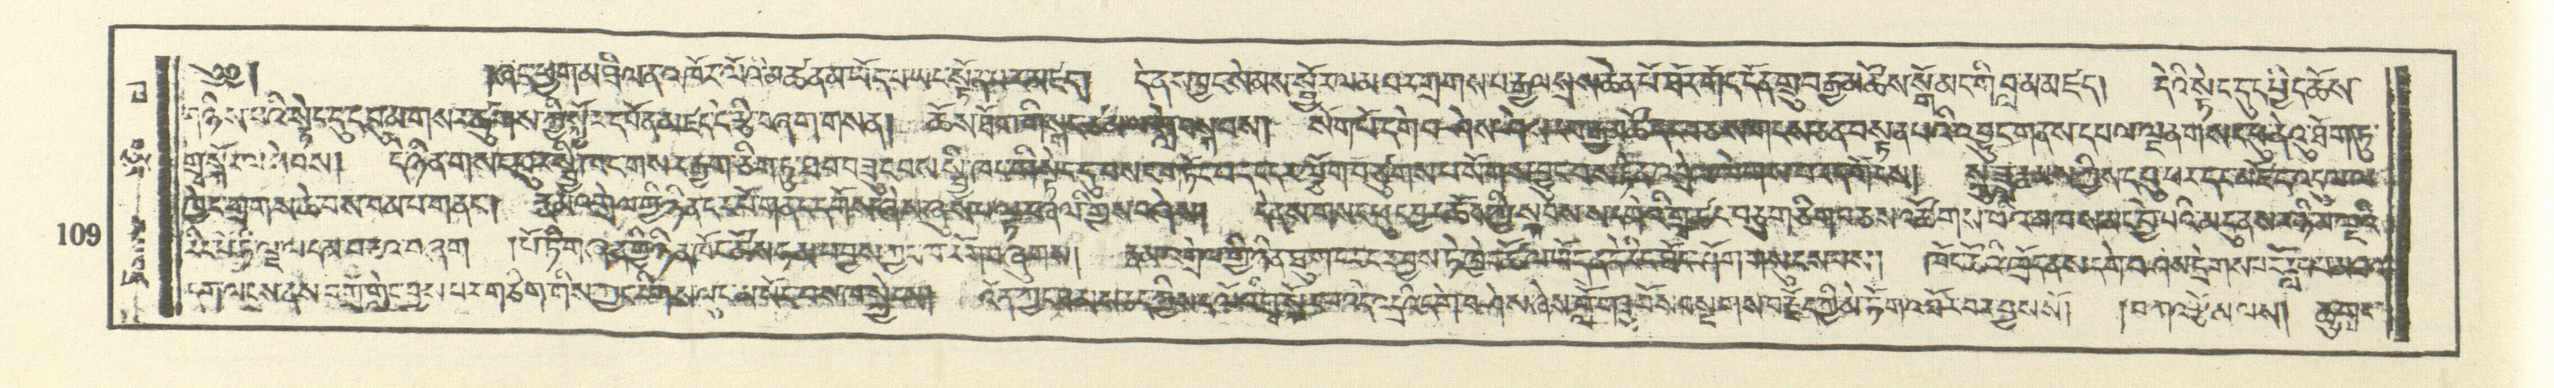༄༅། །ཞིང་ཕྱག་མཐིལ་ན་འཁོར་ལོའི་མཚན་མ་ཡོད་པ་ཡང་སྟོན་པར་མཛད། དེ་ནས་བྱང་སེམས་སྦྱོར་ལམ་པར་གྲགས་པ་རྒྱལ་སྲས་ཆེན་པོ་ཐོར་གོད་དོན་གྲུབ་རྒྱ་མཚོས་སྒོ་མང་གི་བླ་མ་མཛད། དེའི་སྟེང་དུ་དཔྱིད་ཆོས་
གཉིས་པའི་སྟེང་དུ་དབུམ་གསར་ཚུགས་ཀྱི་སྐྱོར་དཔོན་མཛད་དེ་རྩི་བཞག་གསན། ཆོས་ཐོག་གི་སྒང་ཙམ་ལ་སླེབ་སྐབས། སོག་པོ་དགེ་བཤེས་ཤེས་རབ་རྒྱ་མཚོ་དང་བཅས་གངས་ཅན་བསྟན་པའི་འབྱུང་གནས་དཔལ་ལྡན་གསང་ཕུ་ནེའུ་ཐོག་ཏུ་
གྲྭ་སྐོར་ལ་ཕེབས། དེ་ཉིན་གསང་ཕུར་སྤྱི་ཁང་གསར་རྒྱ་གཅིག་ཏུ་ཐབ་བཟུང་བས་སྤྱི་ཁང་གི་སྟེང་དུ་བསང་གཏོང་བ་དང་དར་ལྕོག་བཙུགས་པ་སོགས་བྱུང་བས་རྟེན་འབྲེལ་ལེགས་པར་དགོངས། སྐུ་ཟླ་རྣམས་ཀྱིས་དབུ་ཕར་དང་མཛོད་འདུལ་ལ་
ཁྱེད་གྲགས་ཆེ་བས་བམ་པ་གནང་། རྣམ་འགྲེལ་གྱི་ཉིན་ངར་པོ་གནང་དགོས་ཞེས་ཞུས་པ་ལྟར་ཞལ་གྱིས་བཞེས། དེ་ནས་གསང་ཕུ་དབྱར་ཆོས་ཀྱི་སྐབས་ས་དགེའི་གྲྭ་ཚང་བཅུ་གཅིག་བཅས་འཚོགས་པའི་མཁས་མང་བྱེ་བའི་མདུན་སར་ཉི་མ་ལྔའི་
རིང་པོ་ཏི་ལྔ་ལ་དམ་བཅའ་བཞག །པོ་ཏི་གཞན་གྱི་ཉིན་ཁོང་ཚོས་ཧམ་པ་བྱས་ཀྱང་ཁ་རོག་བཞུགས། རྣམ་འགྲེལ་གྱི་ཉིན་ཐུག་ངར་ངར་བྱས་ཏེ་ཁྱེད་ཚོལ་ཡོད་ན་དེ་རིང་ཐོང་ཤོག་གསུངས་བས། ཁོང་ཚོའི་ཁྲོད་ནས་དགེ་བཤེས་དྲེགས་པོར?་རླ་ཡབ་མཐའ་
དག་ལངས་ནས་བགྲོ་གླེང་བྱས་པར་གཅིག་གིས་ཀྱང་རིགས་ལུང་མ་སོང་བས་ཁ་སྐྱེངས། འོན་ཀྱང་ཐམས་ཅད་ཀྱིས་ད་ལོའི་གྲྭ་སྐོར་བ་འདི་འདྲའི་དགེ་བཤེས་ཞེས་བློ་གཟུ་བོས་བསྔགས་བརྗོད་ཀྱི་མེ་ཏོག་འཐོར་བར་བྱས་སོ། །བཀའ་རྩོམ་ལས། ཆུ་གླང་